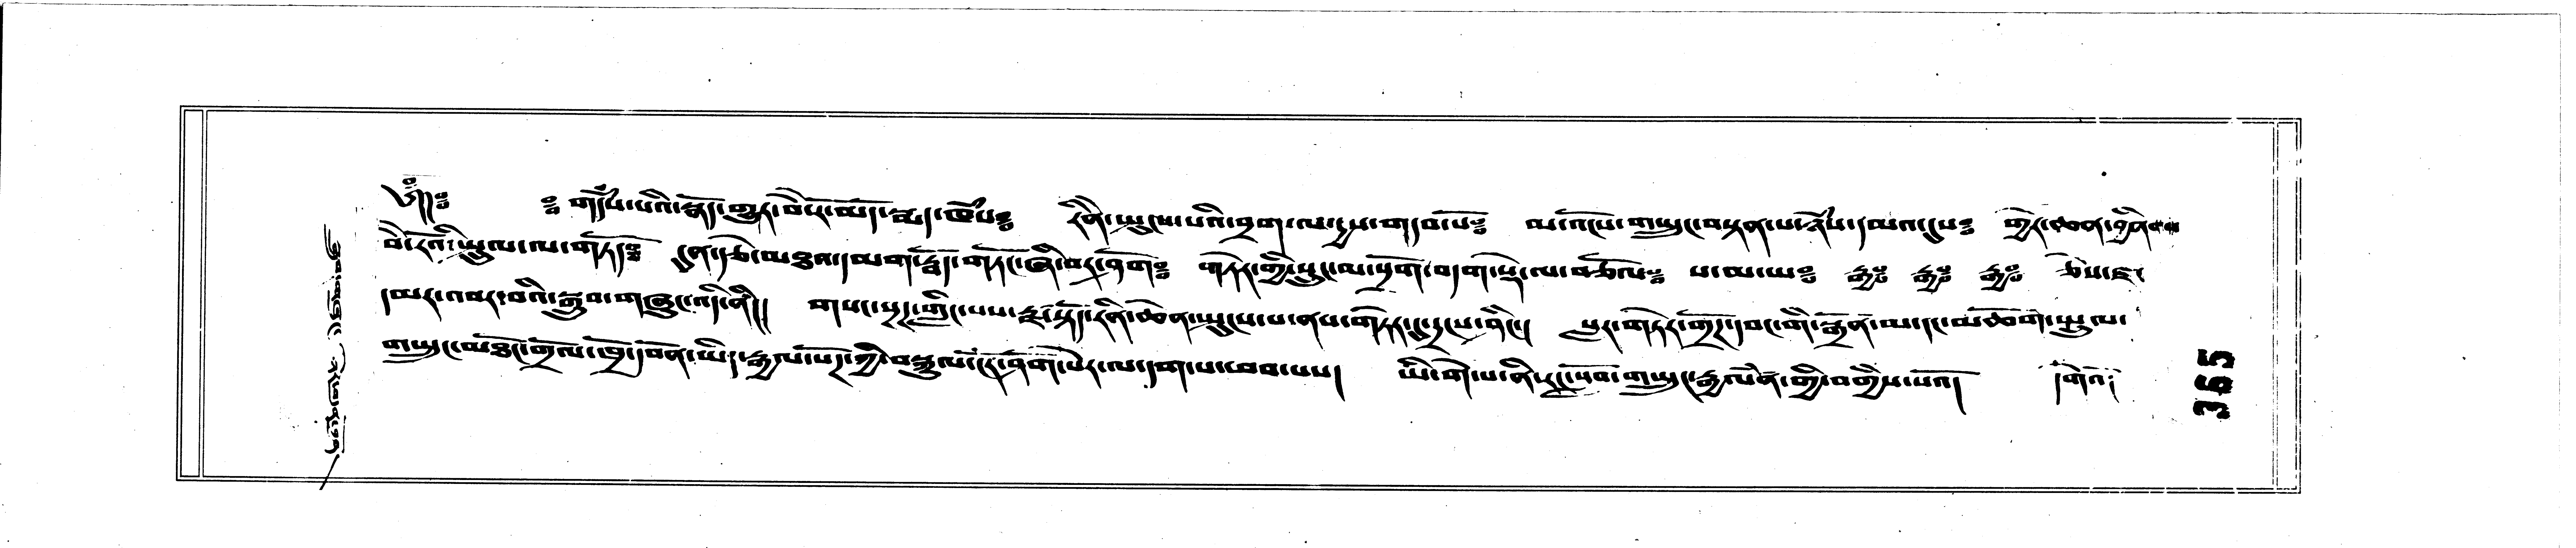གདམས་པའི་སྣོད་གྱུར་བཻ་རོ་མདོ་སྨད་ཁམས༔ རིན་ཆེན་སྤུངས་པའི་བྲག་ལ་རྒྱས་གདབས་སོ༔ མ་འོངས་གཡུང་དྲུང་བསྟན་པ་ཉམས་དམའ་དུས༔ གྱེར་ཆེན་བྱིན་རླབས་
བཻ་རོའི་སྤྲུལ་ལ་གཏོད༔ དུན་རྩེ་མཐའ་དམག་རྦོད་གཏོང་ཞི་བར་ཤོག༔ གཏེར་གྱི་སྲུང་མ་སྲོག་བདག་སྡེ་ལ་བཅོལ༔ ས་མ་ཡ༔ རྒྱ༔ རྒྱ༔ རྒྱ༔ ཅེས་ཛྭ་
དམར་འབར་བའི་སྒྲུབ་གཞུང་འདི་ནི།། གསང་སྔགས་གླིང་པས་རྫ་སྟོད་རིན་ཆེན་སྤུངས་པ་ནས་གཏེར་དུ་དྲངས་ཤིང་། སླར་གཏེར་གྲོགས་དབང་གི་སྒྲོན་མ་དང་མཆོག་སྤྲུལ་
གཡུང་དྲུང་མཐོང་གྲོལ་ཁྲོ་དབོན་ཡིད་རྒྱལ་སོགས་ཀྱིས་བསྐུལ་ངོར་ཤོག་སེར་ལ་དག་པ་ཕབ་པས། ཡི་གེ་པ་ནི་རང་སློབ་གཡུང་དྲུང་རྒྱལ་མཚན་གྱིས་བགྱིས་པའོ། དགེའོ།